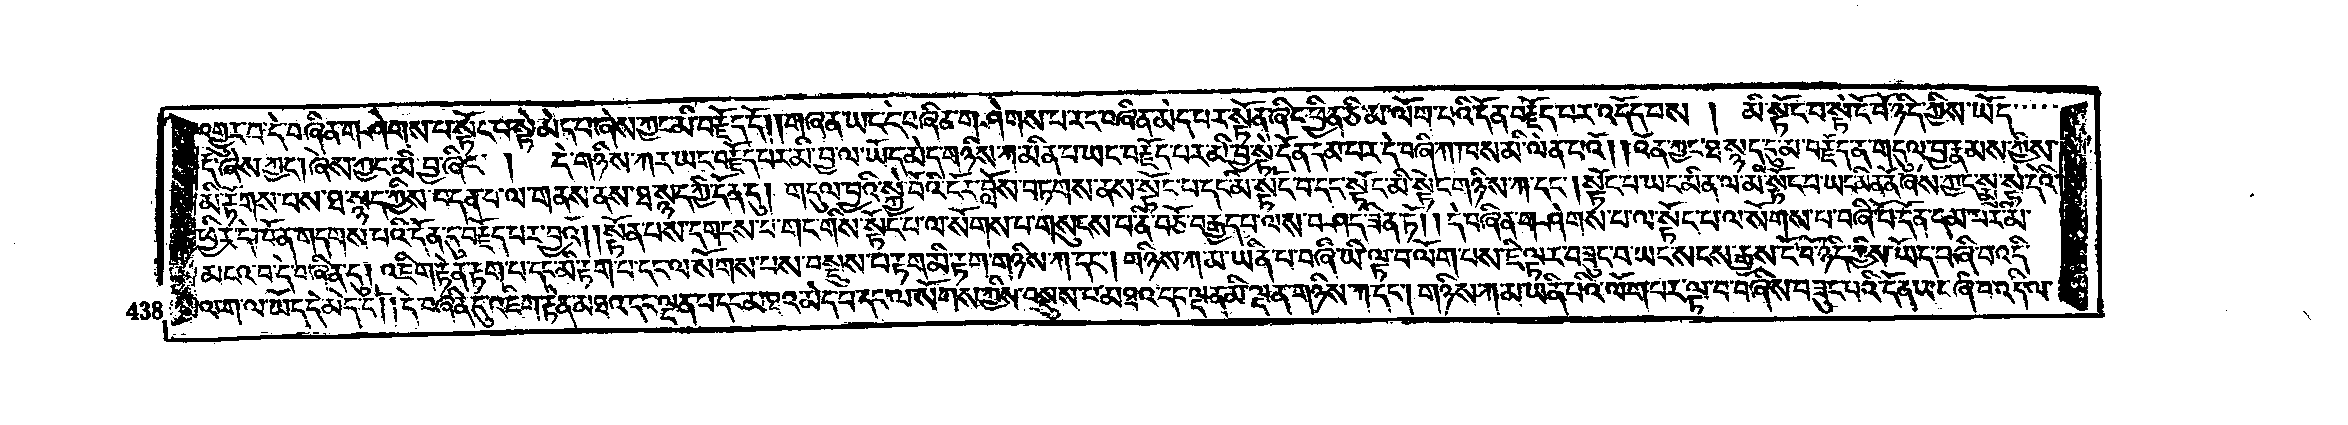འགྱུར་བ་དེ་བཞིན་གཤེགས་པ་སྟོང་པ་སྟེ་མེད་པ་ཞེས་ཀྱང་མི་བརྗོད་དོ། །གཞན་ཡང་དེ་བཞིན་གཤེགས་པ་རང་བཞིན་མེད་པར་སྟོན་ཞིང་བྱིན་ཅི་མ་ལོག་པའི་དོན་བརྗོད་པར་འདོད་པས། མི་སྟོང་པ་སྟེ་ངོ་བོ་ཉིད་ཀྱིས་ཡོད་
དོ་ཞེས་ཀྱང་། ཞེས་ཀྱང་མི་བྱ་ཞིང་། དེ་གཉིས་ཀར་ཡང་བརྗོད་པར་མི་བྱ་ལ་ཡོད་མེད་གཉིས་ཀ་མིན་པ་ཡང་བརྗོད་པར་མི་བྱ་སྟེ་དོན་དམ་པར་དེ་བཞི་ཀ་ཁས་མི་ལེན་པའོ། །འོན་ཀྱང་ཐ་སྙད་དུ་མ་བརྗོད་ན་གདུལ་བྱ་རྣམས་ཀྱིས་
མི་རྟོགས་པས་ཐ་སྙད་ཀྱིས་བདེན་པ་ལ་གནས་ནས་ཐ་སྙད་ཀྱི་དོན་དུ། གདུལ་བྱའི་སྐྱེ་བོའི་ངོར་བློས་བཏགས་ནས་སྟོང་པ་དང་མི་སྟོང་པ་དང་སྟོང་མི་སྟོང་གཉིས་ཀ་དང་། སྟོང་པ་ཡང་མིན་ལ་མི་སྟོང་པ་ཡང་མིན་ནོ་ཞེས་ཀྱང་སྨྲ་སྟེ་དེའི་
ཕྱིར་དེ་ཁོ་ན་གདགས་པའི་དོན་དུ་བརྗོད་པའོ། །སྟོན་པས་དགོངས་པ་གང་གིས་སྟོང་པ་ལ་སོགས་པ་གསུངས་པ་ནི་བཅོ་བརྒྱད་པ་ལས་བཤད་ཟིན་ཏོ། །དེ་བཞིན་གཤེགས་པ་ལ་སྟོང་པ་ལ་སོགས་པ་བཞི་པོ་དོན་དམ་པར་མ་
མངའ་བ་དེ་བཞིན་དུ། འཇིག་རྟེན་རྟག་པ་དང་མི་རྟག་པ་དང་ལ་སོགས་པས་བསྡུས་པ་རྟག་མི་རྟག་གཉིས་ཀ་དང་། གཉིས་ཀ་མ་ཡིན་པ་བཞི་ཡི་ལྟ་བ་ལོག་པས་ཇི་ལྟར་བཟུང་བ་ཡང་སངས་རྒྱས་ངོ་བོ་ཉིད་ཀྱིས་ཡོད་པ་ཞི་བ་འདི་
ལ་གལ་ཡོད་དེ་མེད་དོ། །དེ་བཞིན་དུ་འཇིག་རྟེན་མཐའ་དང་ལྡན་པ་དང་མཐའ་མེད་དང་ལ་སོགས་ཀྱིས་བསྡུས་པ་མཐའ་དང་ལྡན་མི་ལྡན་གཉིས་ཀ་དང་། གཉིས་ཀ་མ་ཡིན་པའི་ལོག་པར་ལྟ་བ་བཞིས་བཟུང་བའི་དོན་ཡང་ཞི་བ་འདི་ལ་